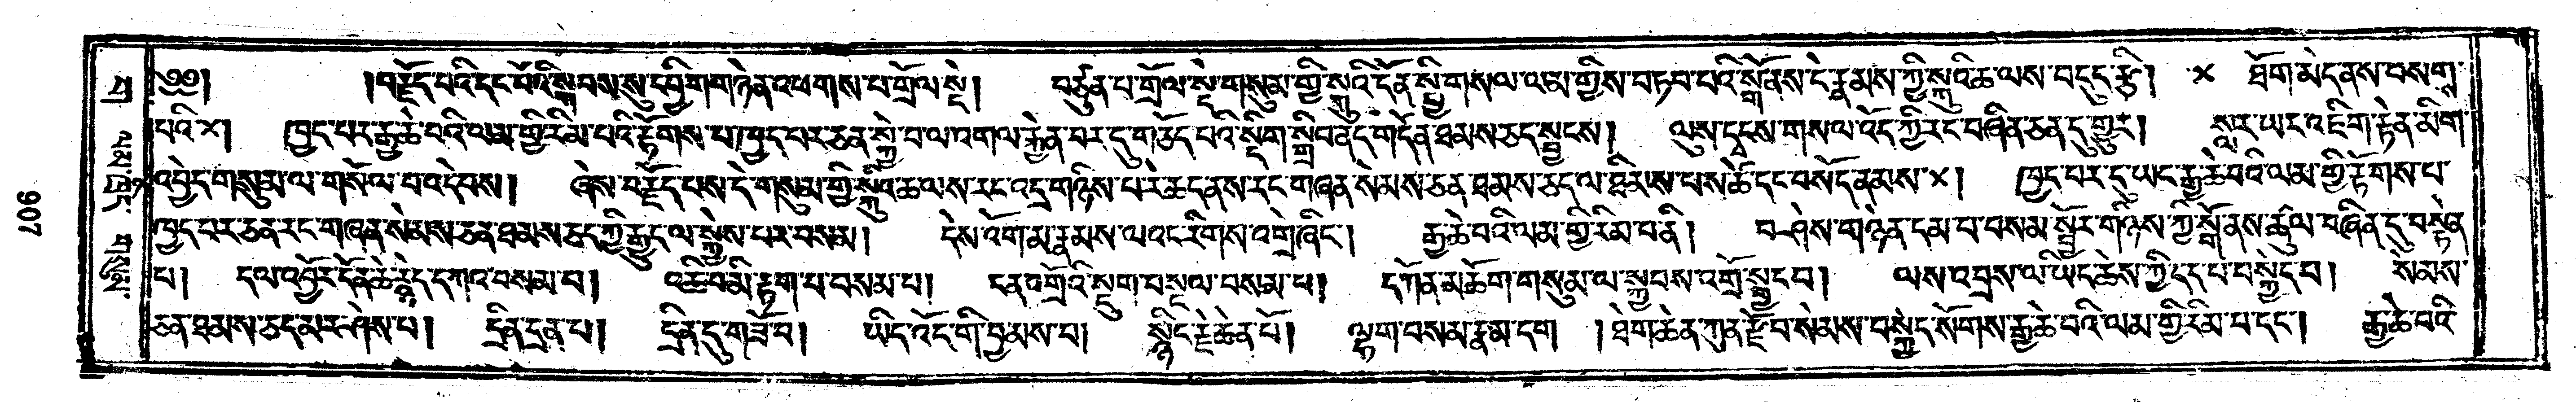༄༅། །བརྗོད་པའི་དང་པོའི་སྐབས་སུ་དབྱིག་གཉེན་འཕགས་པ་གྲོལ་སྡེ། བཙུན་པ་གྲོལ་སྡེ་གསུམ་གྱི་སྐུའི་དོན་སྤྱི་གསལ་ལམ་གྱིས་བཏབ་པའི་སྒོ་ནས་དེ་རྣམས་ཀྱི་སྐུའི་ཆ་ལས་བདུད་རྩི། ྾་ཐོག་མེད་ནས་བསགས་
པའི་྾། ཁྱད་པར་རྒྱ་ཆེ་བའི་ལམ་གྱི་རིམ་པའི་རྟོགས་པ་ཁྱད་པར་ཅན་སྐྱེ་བ་ལ་འགལ་རྐྱེན་བར་དུ་གཅོད་པའི་སྡིག་སྒྲིབ་ནད་གདོན་ཐམས་ཅད་སྦྱངས། ལུས་དྭངས་གསལ་འོད་ཀྱི་རང་བཞིན་ཅན་དུ་གྱུར། སླར་ཡང་འཇིག་རྟེན་མིག་
འབྱེད་གསུམ་ལ་གསོལ་བ་འདེབས། ཞེས་བརྗོད་པས་དེ་གསུམ་གྱི་སྐུའི་ཆ་ལས་རང་འདྲ་གཉིས་པ་རེ་ཆད་ནས་རང་གཞན་སེམས་ཅན་ཐམས་ཅད་ལ་ཐིམས་པས་ཚེ་དང་བསོད་ནམས་྾། ཁྱད་པར་དུ་ཡང་རྒྱ་ཆེ་བའི་ལམ་གྱི་རྟོགས་པ་
ཁྱད་བར་ཅན་རང་གཞན་སེམས་ཅན་ཐམས་ཅད་ཀྱི་རྒྱུད་ལ་སྐྱེས་པར་བསམ། དེས་འོག་མ་རྣམས་ལའང་རིགས་འགྲེ་ཞིང་། རྒྱ་ཆེ་བའི་ལམ་གྱི་རིམ་བ་ནི། བཤེས་གཉེན་དམ་བ་བསམ་སྦྱོར་གཉིས་ཀྱི་སྒོ་ནས་ཚུལ་བཞིན་དུ་བསྟེན་
པ། དལ་འབྱོར་དོན་ཆེ་རྙེད་དཀའ་བསམ་བ། འཆི་བ་མི་རྟག་པ་བསམ་པ། ངན་འགྲོའི་སྡུག་བསྔལ་བསམ་པ། དཀོན་མཆོག་གསུམ་ལ་སྐྱབས་འགྲོ་སྦྱང་བ། ལས་འབྲས་ལ་ཡིད་ཆེས་ཀྱི་དད་པ་བསྐྱེད་བ། སེམས་
ཅན་ཐམས་ཅད་མར་ཤེས་པ། དྲིན་དྲན་པ། དྲིན་དུ་གཟོ་བ། ཡིད་འོང་གི་བྱམས་བ། སྙིང་རྗེ་ཆེན་པོ། ལྷག་བསམ་རྣམ་དག །ཐེག་ཆེན་ཀུན་རྫོབ་སེམས་བསྐྱེད་སོགས་རྒྱ་ཆེ་བའི་ལམ་གྱི་རིམ་པ་དང་། རྒྱ་ཆེ་བའི་